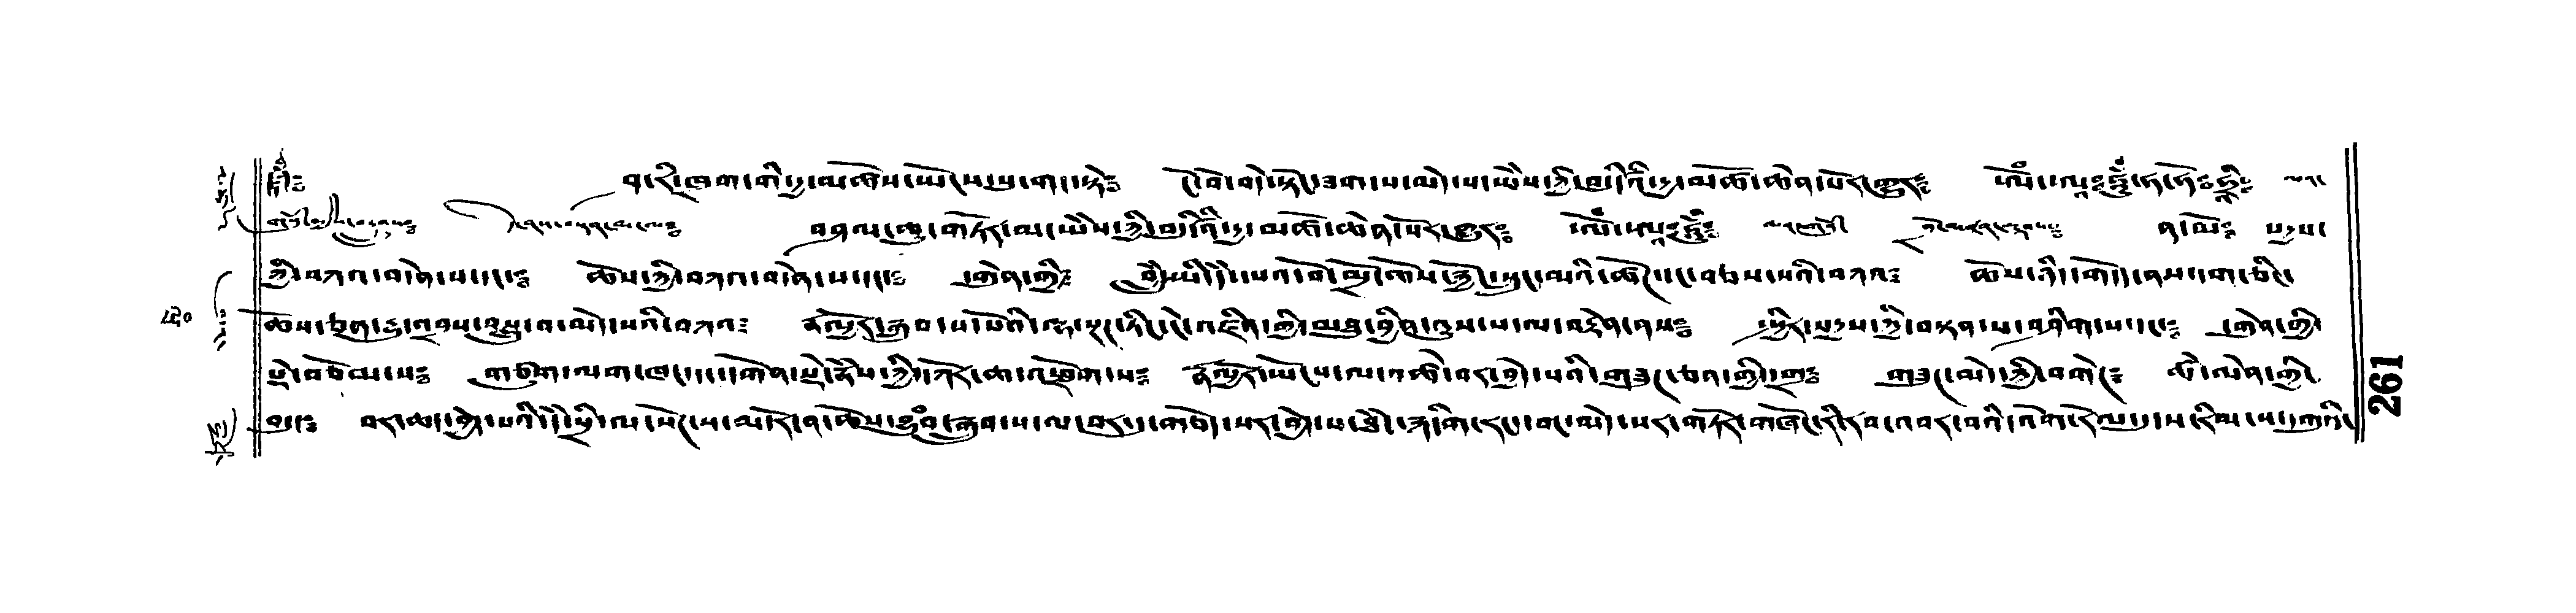ཤ་རི་ཁྲག་གི་རྒྱ་མཚོས་ཡོངས་སུ་གང་སྟེ༔ ངོ་བོ་བདེ་སྟོང་ཟག་པ་མེད་པ་ཡེ་ཤེས་ཀྱི་བདུད་རྩིའི་རྒྱ་མཚོ་ཆེན་པོར་གྱུར༔ ཨོཾ་ཨཱཿཧཱུྃ་ཧ་ཧོཿཧྲཱིཿ ལན་
གསུམ་གྱིས་བརླབས༔ དེ་ནས་བསྟན་མ་ལ༔ བཤལ་ཆུ་གཏོར་མ་ཡེ་ཤེས་ཀྱི་བདུད་རྩིའི་རྒྱ་མཚོ་ཆེན་པོར་གྱུར༔ ཨོཾ་ཨཱཿཧཱུྃ༔ ལན་གསུམ༔ བྲོ་མནན་སྐབས༔ ན་མོཿ སངས་རྒྱས་
ཀྱི་བཀའ་བདེན་པ་དང༔ ཆོས་ཀྱི་བཀའ་བདེན་པ་དང༔ དགེ་འདུན་གྱི༴ བླ་མ་ཡི་དམ་དཔའ་བོ་མཁའ་འགྲོ་ཆོས་སྐྱོང་སྲུང་མའི་ཚོགས་དང་བཅས་པའི་བཀའ༴ ཆོས་ཉིད་གདོད་ནས་དག་ཅིང་
ཆོས་ཅན་རྒྱུ་འབྲས་བསླུ་བ་མེད་པའི་བཀའ༴ རྣལ་འབྱོར་སྒྲུབ་པ་པོའི་ལྷ་སྔགས་ཏིང་ངེ་འཛིན་གྱི་མཐུ་བྱིན་ནུས་པ་ལ་བརྟེན་ནས༔ སྤྱིར་སངས་རྒྱས་ཀྱི་བསྟན་པ་བཤིག་པ་དང༔ དགེ་འདུན་གྱི་
སྡེ་བཅོམ་པ༔ གཙུག་ལག་ཁང་དང་དགོན་སྡེ་རྣམས་ཀྱི་དཀོར་ཆ་འཕྲོག་པ༔ རྣལ་འབྱོར་ཡོངས་ལ་འཚེ་བར་བྱེད་པའི་གཟུགས་ཅན་གྱི་དགྲ༔ གཟུགས་མེད་ཀྱི་བགེགས༔ ཚེ་ལེན་གྱི་
བདུད༔ བར་ཆད་བྱེད་པའི་དམ་སྲི་ལ་སོགས་པ་མདོར་ན་ཆོས་བྱང་ཆུབ་སྒྲུབ་པ་ལ་བར་དུ་གཅོད་པར་བྱེད་པ་ཐམས་ཅད་སྐད་ཅིག་རང་དབང་མེད་པར་གཏོར་གཞོང་རི་རབ་འབར་བའི་འོག་རོལ་དུ་ས་རིམ་པ་དགུའི་